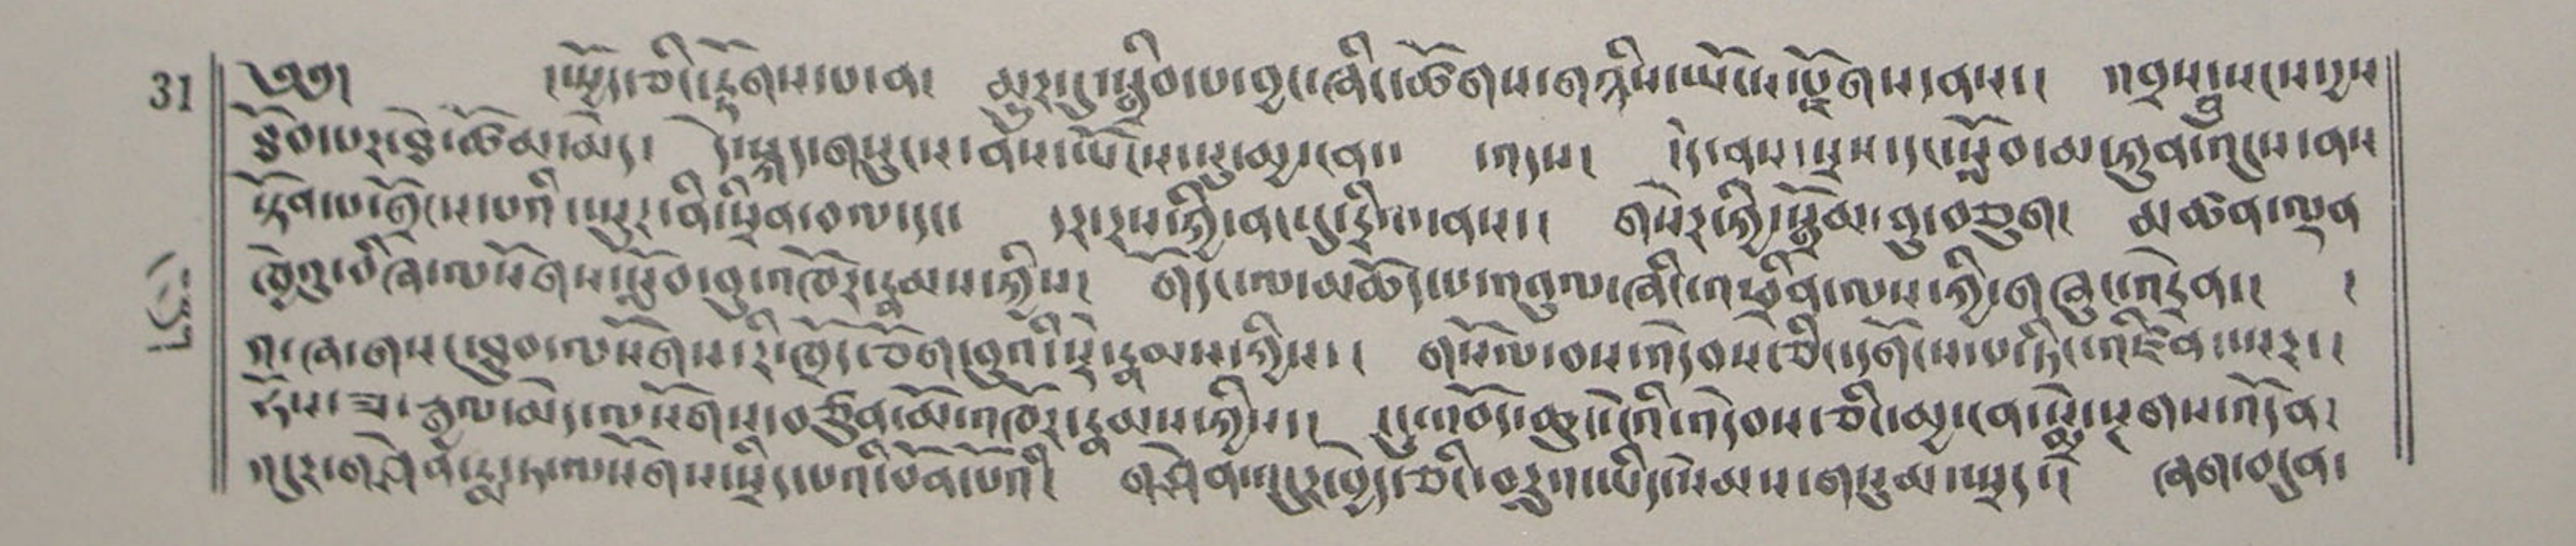༄༅། །སྤྱོད་ཅིང་རྟོགས་པ་ན། མྱུར་དུ་སྒྲིབ་པ་གཉིས་བྱང་ཞིང་ཚོགས་གཉིས་རྫོགས་ནས། འབྲས་བུ་སངས་རྒྱས་
ཐོབ་པར་ཐེ་ཚོམ་མེད་དོ། །དེ་སྐད་ཅེས་གསུངས་ནས་ཡོངས་སུ་མྱ་ངན་ལས་འདས། དེ་ནས་སྲས་དང་སློབ་བུ་ཀུན་འདུས་ནས། 
སྟོན་པ་གྲོངས་པའི་སྤུར་ནི་སྲིན་བལ་དང་། དར་རས་ཀྱི་ནང་དུ་དྲིལ་ནས། གསེར་གྱི་སྒྲོམ་བུར་བཅུགས། མཚན་ལྡན་
ཁྱེའུ་བཞི་ལས་སོགས་སློབ་བུ་དང་འཁོར་རྣམས་ཀྱིས། གདུང་ལ་མཆོད་པ་འབུལ་ཞིང་འཕྲིན་ལས་ཀྱི་གཞུང་འདྲེན། 
འ་ཞ་གསང་ཐུབ་ལས་སོགས་རི་ཁྲོད་ཅོག་བུའི་སྡེ་རྣམས་ཀྱིས། གསོལ་བ་འདེབས་ཅིང་དགོངས་པ་ཏིང་ངེ་འཛིན་སྤར། 
ཧོས་ཟ་རྒྱལ་མེད་ལས་སོགས་བཙུན་མོ་འཁོར་རྣམས་ཀྱིས། ངུ་འབོད་ཆོ་(ཆུང་)ངེའི་འདེབས་ཅིང་མྱ་ངན་སྨེ་སྔགས་འདོན། 
འདུར་གཤེན་སྨ་ཏ་ལས་སོགས་སྲིད་པའི་བོན་པོའི། གཤེན་འདུར་བྱེད་ཅིང་བླ་ཡིད་སེམས་ཉིད་གསུམ་སྤར(སྤྲད)། ཞག་བདུན